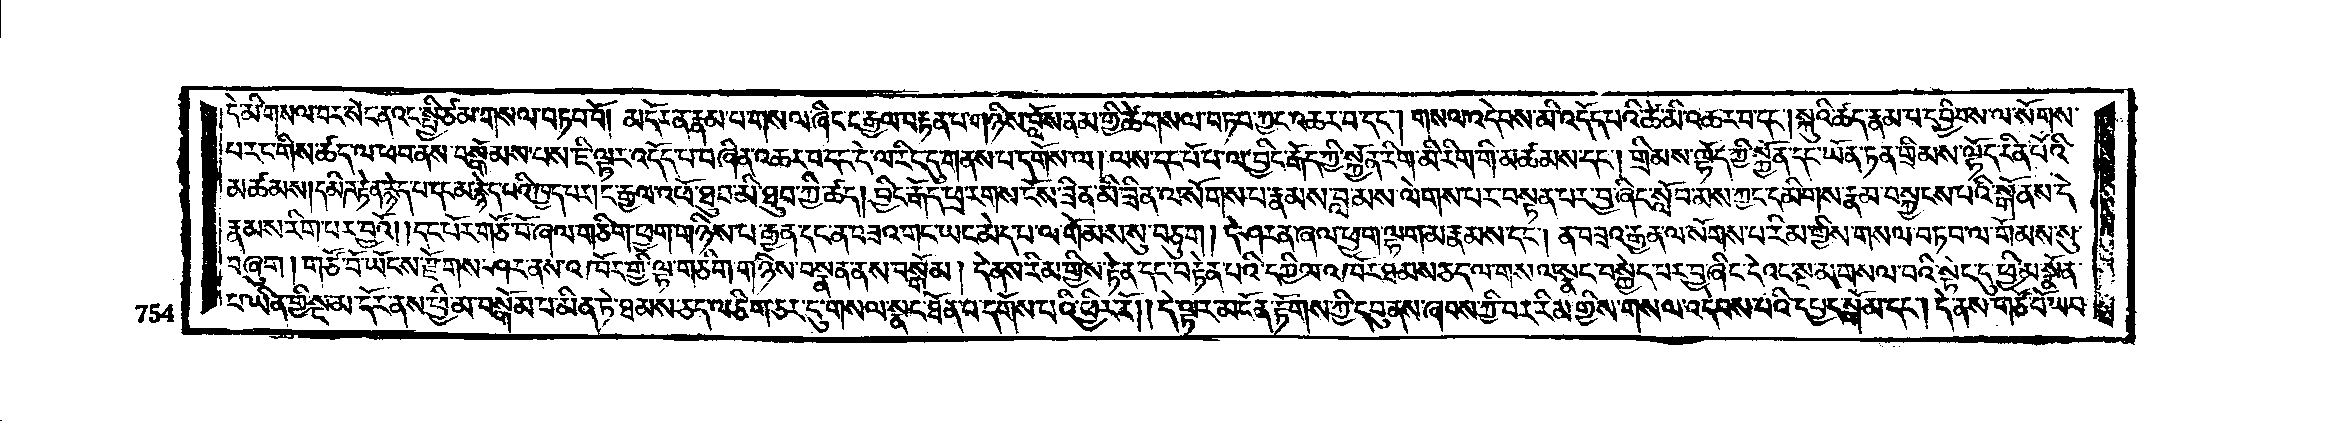དེ་མི་གསལ་བར་སོང་ནའང་སྤྱི་ཙམ་གསལ་བཏབ་བོ། མདོར་ན་རྣམ་པ་གསལ་ཞིང་ང་རྒྱལ་བརྟན་པ་གཉིས་བློས་ནམ་གྱི་ཚེ་གསལ་བཏབ་ཀྱང་འཆར་བ་དང་། གསལ་འདེབས་མི་འདོད་པའི་ཚེ་མི་འཆར་བ་དང་། སྐུའི་ཚད་རྣམ་པ་དབྱིབས་ལ་སོགས་
པ་རང་གིས་ཚད་ལ་ཕབ་ནས་བསྒོམས་པས་ཇི་ལྟར་འདོད་པ་བཞིན་འཆར་བ་དང་དེ་ལ་རིང་དུ་གནས་པ་དགོས་ལ། ལས་དང་པོ་པ་ལ་བྱིང་རྒོད་ཀྱི་སྐྱོན་རིག་མི་རིག་གི་མཚམས་དང་། གྲིམས་ལྷོད་ཀྱི་སྐྱོན་དང་ཡོན་ཏན་གྲིམས་ལྷོད་རན་པའི་
མཚམས། དམིགས་རྟེན་རྙེད་པ་དང་མ་རྙེད་པའི་ཁྱད་པར། ང་རྒྱལ་འཕོ་ཐུབ་མི་ཐུབ་ཀྱི་ཚད། བྱིང་རྒོད་ཕྲ་རགས་ངོས་ཟིན་མི་ཟིན་ལ་སོགས་པ་རྣམས་བླ་མས་ལེགས་པར་བསྟན་པར་བྱ་ཞིང་སློབ་མས་ཀྱང་དམིགས་རྣམ་བསྐྱངས་པའི་སྒོ་ནས་དེ་
རྣམས་རིག་པར་བྱའོ། །དང་པོར་གཙོ་བོ་ཞལ་གཅིག་ཕྱག་གཉིས་པ་རྒྱན་དང་ན་བཟའ་གང་ཡང་མེད་པ་ལ་གོམས་སུ་བཅུག །དེ་ཤར་ན་ཞལ་ཕྱག་ལྷག་མ་རྣམས་དང་། ན་བཟའ་རྒྱན་ལ་སོགས་པ་རིམ་གྱིས་གསལ་བཏབ་ལ་གོམས་སུ་
བཞུག །གཙོ་བོ་ཡོངས་རྫོགས་ཤར་ནས་འཁོར་གྱི་ལྷ་གཅིག་གཉིས་བསྣན་ནས་བསྒོམ། དེ་ནས་རིམ་གྱིས་རྟེན་དང་བརྟེན་པའི་དཀྱིལ་འཁོར་ཐམས་ཅད་ལ་གསལ་སྣང་བསྐྱེད་པར་བྱ་ཞིང་དེའང་སྔ་མ་གསལ་བའི་སྟེང་དུ་ཕྱི་མ་སྣོན་
པ་ཡིན་གྱི་སྔ་མ་དོར་ནས་ཕྱི་མ་བསྒོམ་པ་མིན་ཏེ་ཐམས་ཅད་ལ་ཅིག་ཅར་དུ་གསལ་སྣང་ཐོན་པ་དགོས་པའི་ཕྱིར་རོ། །དེ་ལྟར་མངོན་རྟོགས་ཀྱི་དབུ་ནས་ཞབས་ཀྱི་བར་རིམ་གྱིས་གསལ་འདེབས་པའི་དཔྱད་སྒོམ་དང་། དེ་ནས་གཙོ་བོ་ཡབ་